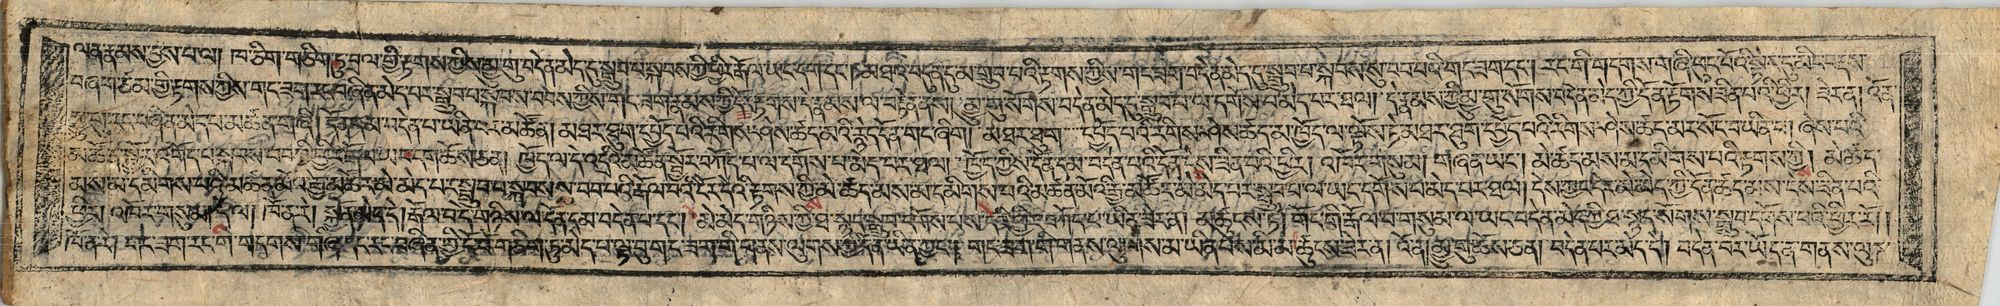ལན་རྣམས་བྱས་པ་ལ། ཁ་ཅིག་གཅིག་ཏུ་བྲལ་གྱི་རྟགས་ཀྱིས་མྱུ་གུ་བདེན་མེད་དུ་སྒྲུབ་པ་སྐབས་ཀྱི་ཕྱིར་རྒོལ་ཡང་དག་དང་། མཐའ་བདུན་དུ་མ་གྲུབ་པའི་རྟགས་ཀྱིས་གང་ཟག་བདེན་མེད་དུ་སྒྲུབ་པ་སྐབས་སུ་བབ་པའི་གང་ཟག་དང་། རང་གི་གདགས་གཞི་ཕུང་པོའི་སྟེང་དུ་མིང་བརྡས་
བཞག་ཙམ་གྱི་རྟགས་ཀྱིས་གང་ཟག་རང་བཞིན་མེད་པར་སྒྲུབ་པ་སྐབས་བབས་ཀྱིས་གང་ཟག་རྣམས་ཀྱི་ངོར་རྟགས་དེ་རྣམས་ལ་བརྟེན་ནས། མྱུ་གུ་སོགས་བདེན་མེད་དུ་སྒྲུབ་པ་ལ་དགོས་པ་མེད་པར་ཐལ། དེ་རྣམས་ཀྱི་མྱུ་གུ་སོགས་བདེན་མེད་ཀྱི་དོན་རྟོགས་ཟིན་པའི་ཕྱིར། ཟེར་ན། འོ་ན་
མྱུ་གུ་རང་བཞིན་མེད་པ་མཚན་གཞི། དོན་དམ་བདེན་པ་ཡིན་པར་མཚོན། མཐར་ཐུག་དཔྱོད་པའི་རིགས་ཤེས་ཚད་མའི་རྙེད་དོན་གང་ཞིག ། མཐར་ཐུག་དཔྱོད་པའི་རིགས་ཤེས་ཚད་མ་ཁྱོད་ལ་ལྟོས་ཏེ་མཐར་ཐུག་དཔྱོད་པའི་རིགས་ཤེས་ཚད་མར་སོང་བ་ཡིན་པ། ཞེས་པའི་
མཚོན་སྦྱོར་འགོད་པ་སྐབས་བབ་ཀྱི་ཕྱིར་རྒོལ་ཡང་དག་ཆོས་ཅན། ཁྱོད་ལ་དེ་འདྲའི་མཚོན་སྦྱོར་བཀོད་པ་ལ་དགོས་པ་མེད་པར་ཐལ། ཁྱོད་ཀྱིས་དོན་དམ་བདེན་པའི་དོན་ངེས་ཟིན་པའི་ཕྱིར། འཁོར་གསུམ། གཞན་ཡང་། མེ་ཚད་མས་མ་དམིགས་པའི་རྟགས་ཀྱི། མེ་ཚད་
མས་མ་དམིགས་པའི་མཚན་མོའི་རྒྱ་མཚོར་མེ་མེད་པར་སྒྲུབ་པ་སྐབས་སུ་བབ་པའི་རྒོལ་བའི་ངོར་དེའི་རྟགས་ཀྱིས་མེ་ཚད་མས་མ་དམིགས་པའི་མཚན་མོའི་རྒྱ་མཚོར་མེ་མེད་པར་སྒྲུབ་པ་ལ་ཡང་དགོས་པ་མེད་པར་ཐལ། དེས་ཀྱང་དེར་མེ་མེད་ཀྱི་དོན་ཚད་མས་ངེས་ཟིན་པའི་
ཕྱིར། འཁོར་གསུམ། དེ་ལ། ཁོ་ན་རེ། སྐྱེནྨེད་དེ། རྒོལ་བ་དེ་གཉིས་ལ་དོན་དམ་བདེན་པ་དང་། མེ་མེད་གཉིས་ཀྱི་ཐ་སྙད་སྒྲུབ་དགོས་པས་དེའི་ཕྱིར་བཀོད་པ་ཡིན་ཟེར་ན། མཚུངས་ཏེ། གོང་གི་རྒོལ་བ་གསུམ་ལ་ཡང་བདེན་མེད་ཀྱི་ཐ་སྙད་སོགས་སྒྲུབ་དགོས་པའི་ཕྱིར་རོ། །
ཁོ་ན་རེ། གང་ཟག་རང་གི་གདགས་གཞི་དང་རང་བཞིན་གྱི་ངོ་བོ་གཅིག་ཏུ་མེད་པ་ལྟ་བུ་གང་ཟག་གི་གནས་ལུགས་ཀྱི་དོན་ཡིན་ཀྱང་། གང་ཟག་གི་གནས་ལུགས་མ་ཡིན་པས་མི་མཚུངས་ཟེར་ན། འོ་ན། མྱུ་གུ་ཆོས་ཅན། བདེན་པར་མེད་དེ། བདེན་པར་ཡོད་ན་གནས་ལུཌ་